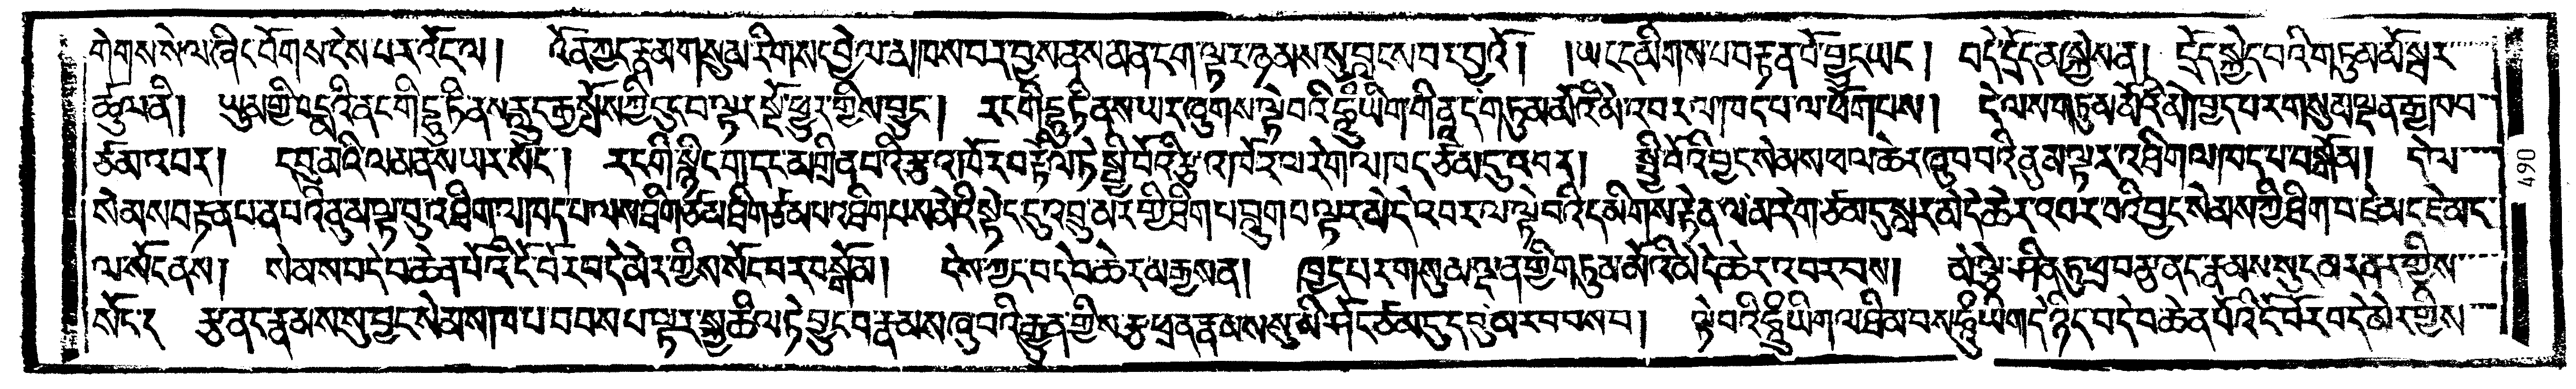གེགས་སེལ་ཞིང་བོགས་ངེས་པར་འོད་ལ། འོན་ཀྱང་རྣམ་གསུམ་རིགས་དབྱེ་ལ་མཁས་པར་བྱས་ནས་མན་ངག་ལྟར་ཉམས་སུ་བླངས་བར་བྱའོ། །ཡང་དམིགས་པ་བརྟན་པོ་བྱུང་ཡང་། བདེ་དྲོད་མ་སྐྱེས་ན། དྲོད་སྐྱེད་པའི་གཏུམ་མོ་སྤར་
ཚུལ་ནི། ཡུམ་གྱི་པདམའི་ནང་གི་དྷུ་ཏི་ནས་རླུང་རྒྱ་སྤོས་ཀྱི་དུད་བ་ལྟར་སྔོ་ཕྱུར་གྱིས་བྱུང་། རང་གི་དྷུ་ཏི་ནས་ཡར་ཞུགས་ལྟེ་བའི་ཧཱུཾ་ཡིག་གི་ནཱ་ད་གཏུམ་མོའི་མེ་འབར་ལ་ཁད་པ་ལ་ཕོག་པས། དེ་ལས་གཏུམ་མོའི་མཁྱེད་པར་གསུམ་ལྡན་རྒྱ་ཁབ་
ཙམ་འབར། དབུ་མའི་ལམ་ནས་ཡར་སོང་། རང་གི་སྙིང་ག་དང་མགྲིན་པའི་རྩ་འཁོར་བརྟོལ་ཏེ་སྤྱི་བོའི་རྩ་འཁོར་ལ་རེག་ལ་ཁད་ཙམ་དུ་འབར། སྤྱི་བོའི་བྱང་སེམས་ཕལ་ཆེར་ཞུ་བ་བའི་ནུམ་ལྟར་འཐིག་ལ་ཁད་པ་བསྒོམ། དེ་ལ་
སེམས་བརྟན་པ་ན་བའི་ནུམ་ལྟ་བུ་འཐིག་ལ་ཁད་པ་ལས་ཐིག་ཙམ་ཐིག་ཙམ་པ་འཐིག་པས་མེའི་སྟེང་དུ་འབྲུ་མར་གྱི་ཐིག་པ་བླུག་པ་ལྟར་མེ་དེ་འབར་ལ་ལྟེ་བའི་དམིགས་རྟེན་ལམ་རེག་ཙམ་དུ་སླར་མེ་དེ་ཆེར་འབར་བའི་བྱང་སེམས་ཀྱི་ཐིག་བ་ཇེ་མང་ཇེ་མང་
ལ་སོང་ནས། སེམས་བདེ་བ་ཆེན་པོའི་ངོ་བོར་བདེ་མེར་གྱིས་སོང་བར་བསྒོམ། དེས་ཀྱང་བདེ་བ་ཆེར་མ་རྒྱས་ན། ཁྱད་པར་གསུམ་ལྡན་གྱི་གཏུམ་མོའི་མེ་དེ་ཆེར་འབར་བས། མེ་ལྕེ་ཤིན་ཏུ་ཕྲ་བ་རྩ་ནང་རྣམས་སུ་དམར་ནར་གྱིས་
སོང༑ རྩ་ནང་རྣམས་སུ་བྱང་སེམས་ཁ་པ་བབས་པ་ལྟར་སྐྱ་ཚིལ་ཏེ་བྱུང་བ་རྣམས་ཞུ་བའི་རྒྱུན་གྱིས་རྩ་ཕྲན་རྣམས་སུ་མི་ཤོང་ཙམ་དུ་དབུ་མར་བབས་པ། ལྟེ་བའི་ཧཱུཾ་ཡིག་ལ་ཐིམ་པས་ཧཱུཾ་ཡིག་དེ་ཉིད་བདེ་བ་ཆེན་པོའི་ངོ་བོར་བདེ་མེར་གྱིས་